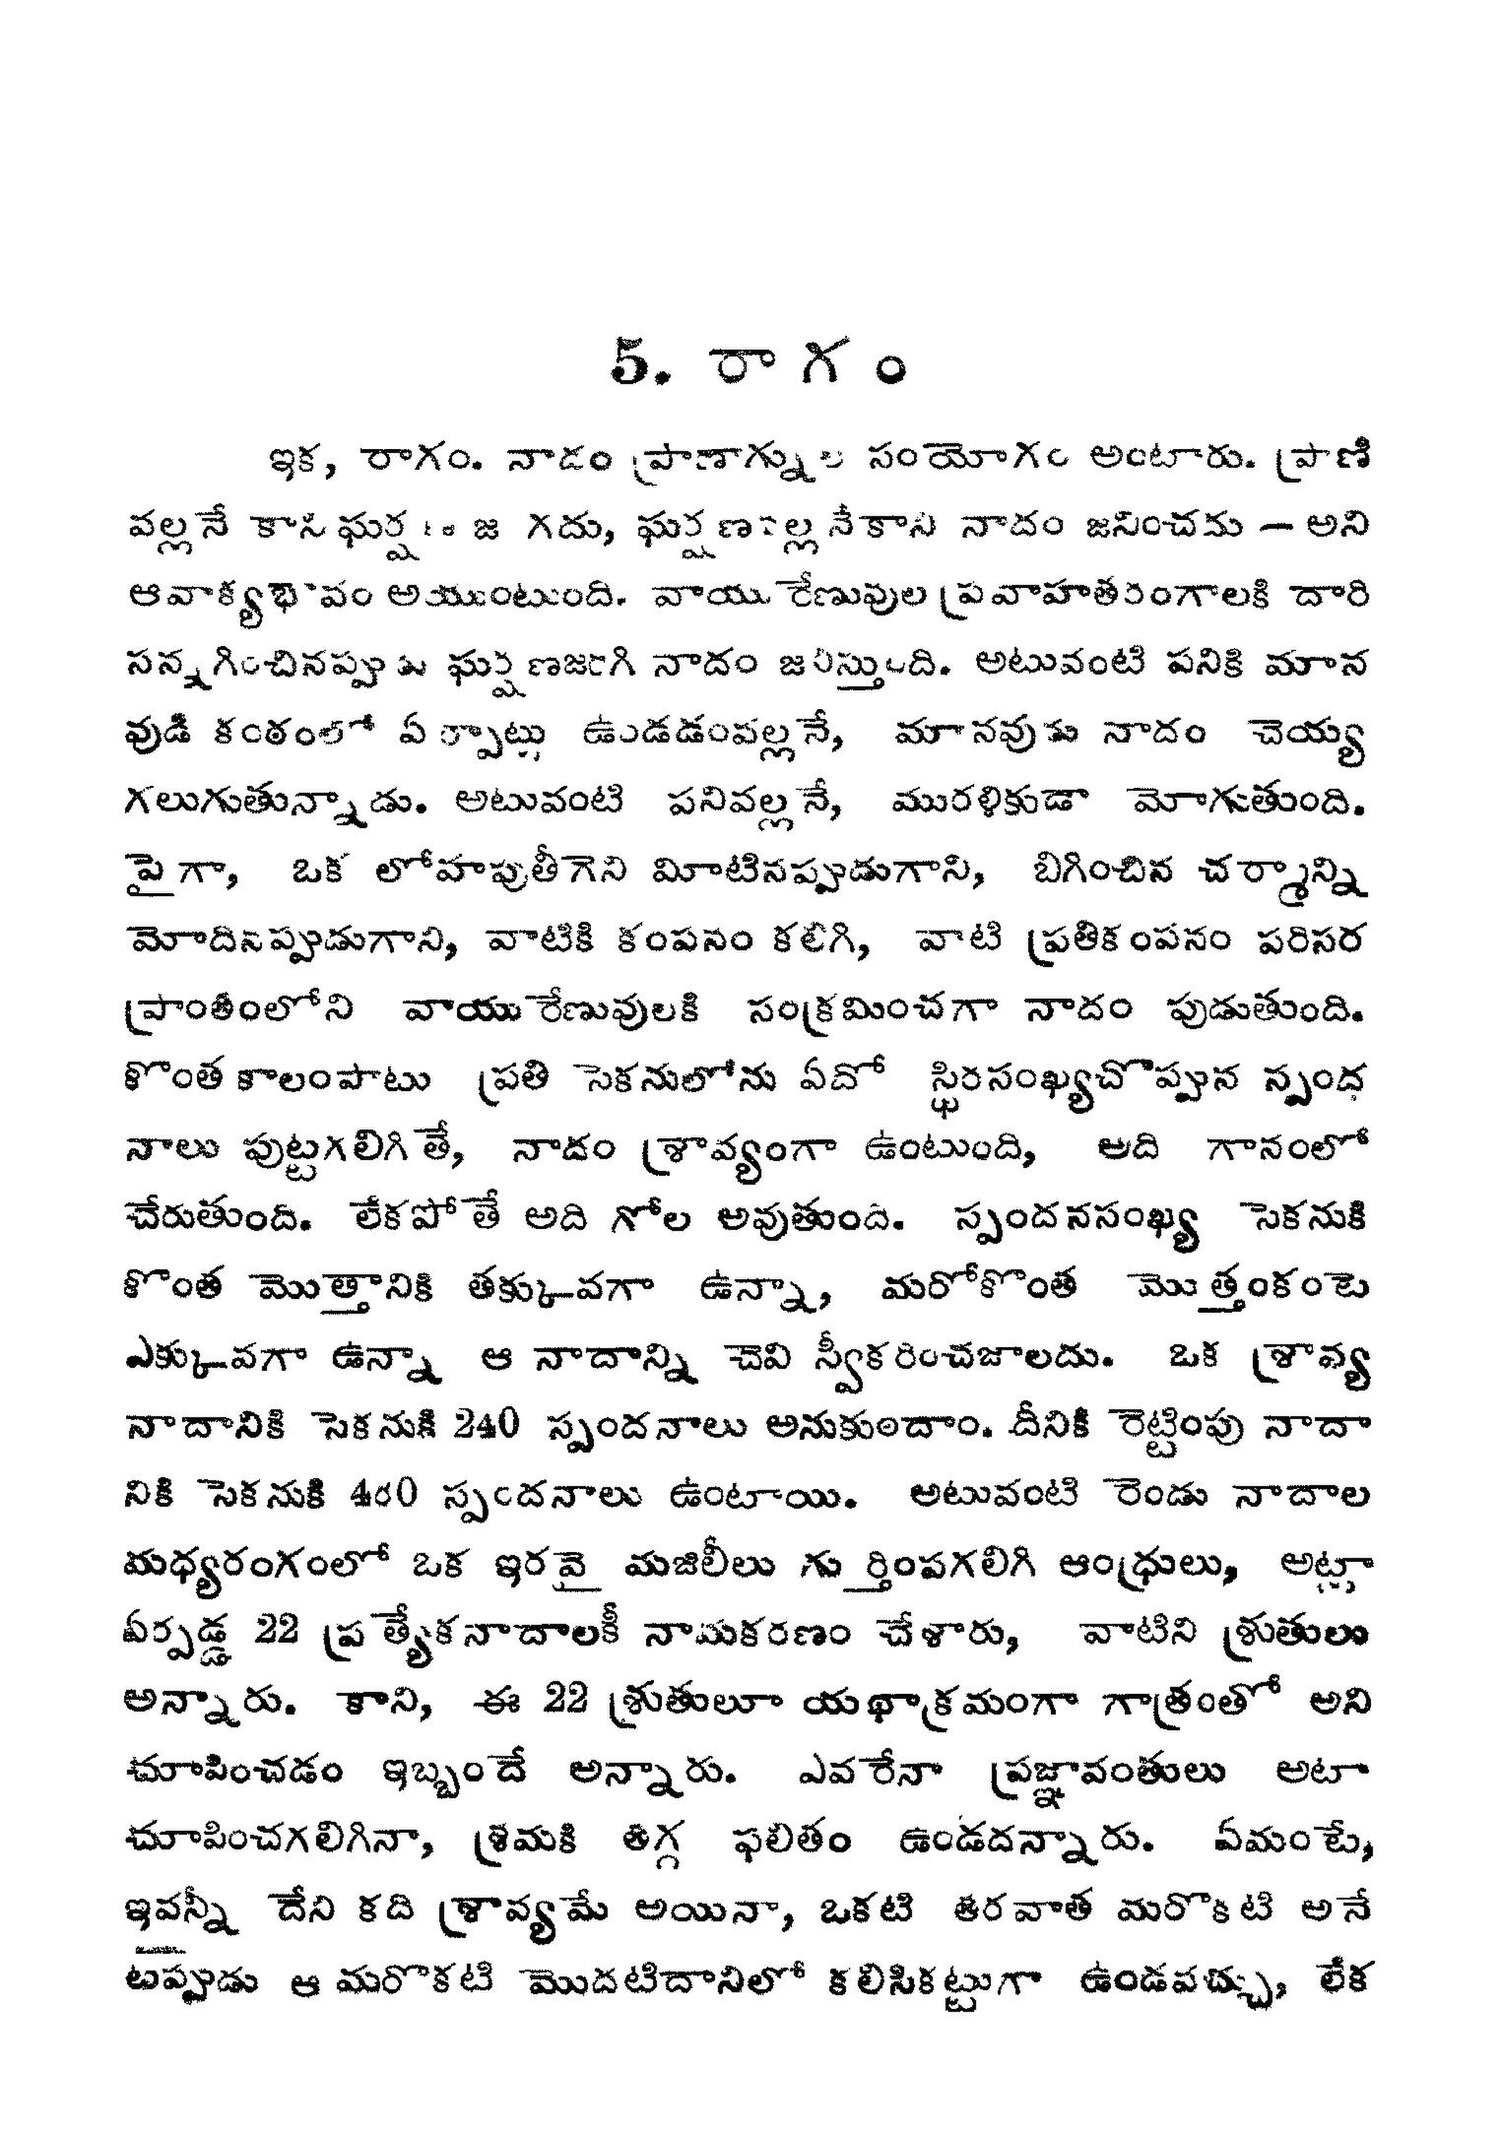5. రాగం

ఇక, రాగం. నాదం ప్రాణాగ్నుల సంయోగం అంటారు. ప్రాణి
వల్లనే కాని ఘర్షణజరగదు, ఘర్షణవల్లనేకాని నాదం జనించదు - అని
ఆవాక్యభావం అయుంటుంది. వాయు రేణువుల ప్రవాహతరంగాలకి దారి
సన్నగించినప్పుడు ఘర్షణజరిగి నాదం జనిస్తుంది. అటువంటి పనికి మాన
వుడి కంఠంలో ఏర్పాట్లు ఉండడంవల్లనే, మానవుడు నాదం చెయ్య
గలుగుతున్నాడు. అటువంటి పనివల్లనే, మురళికుడా మోగుతుంది.
పైగా, ఒక లోహపుతీగెని మీటినప్పుడుగాని, బిగించిన చర్మాన్ని
మోదినప్పుడుగాని, వాటికి కంపనం కలిగి, వాటి ప్రతికంపనం పరిసర
ప్రాంతంలోని వాయురేణువులకి సంక్రమించగా నాదం పుడుతుంది.
కొంతకాలంపాటు ప్రతి సెకనులోను ఏదో స్థిరసంఖ్యచొప్పున స్పంద
నాలు పుట్టగలిగితే, నాదం శ్రావ్యంగా ఉంటుంది, అది గానంలో
చేరుతుంది. లేకపోతే అది గోల అవుతుంది. స్పందనసంఖ్య సెకనుకి
కొంత మొత్తానికి తక్కువగా ఉన్నా, మరోకొంత మొత్తంకంటె
ఎక్కువగా ఉన్నా ఆ నాదాన్ని చెవి స్వీకరించజాలదు. ఒక శ్రావ్య
నాదానికి సెకనుకి 240 స్పందనాలు అనుకుందాం. దీనికి రెట్టింపు నాదా
నికి సెకనుకి 480 స్పందనాలు ఉంటాయి. అటువంటి రెండు నాదాల
మధ్యరంగంలో ఒక ఇరవై మజిలీలు గుర్తింపగలిగి ఆంధ్రులు, అట్లా
ఏర్పడ్డ 22 ప్రత్యేక నాదాలకీ నామకరణం చేశారు, వాటిని శ్రుతులు
అన్నారు. కాని, ఈ 22 శ్రుతులూ యథాక్రమంగా గాత్రంతో అని
చూపించడం ఇబ్బందే అన్నారు. ఎవరేనా ప్రజ్ఞావంతులు అటా
చూపించగలిగినా, శ్రమకి తగ్గ ఫలితం ఉండదన్నారు. ఏమంటే,
ఇవన్నీ దేని కది శ్రావ్యమే అయినా, ఒకటి తరవాత మరొకటి అనే
టప్పుడు ఆ మరొకటి మొదటిదానిలో కలిసికట్టుగా ఉండవచ్చు, లేక